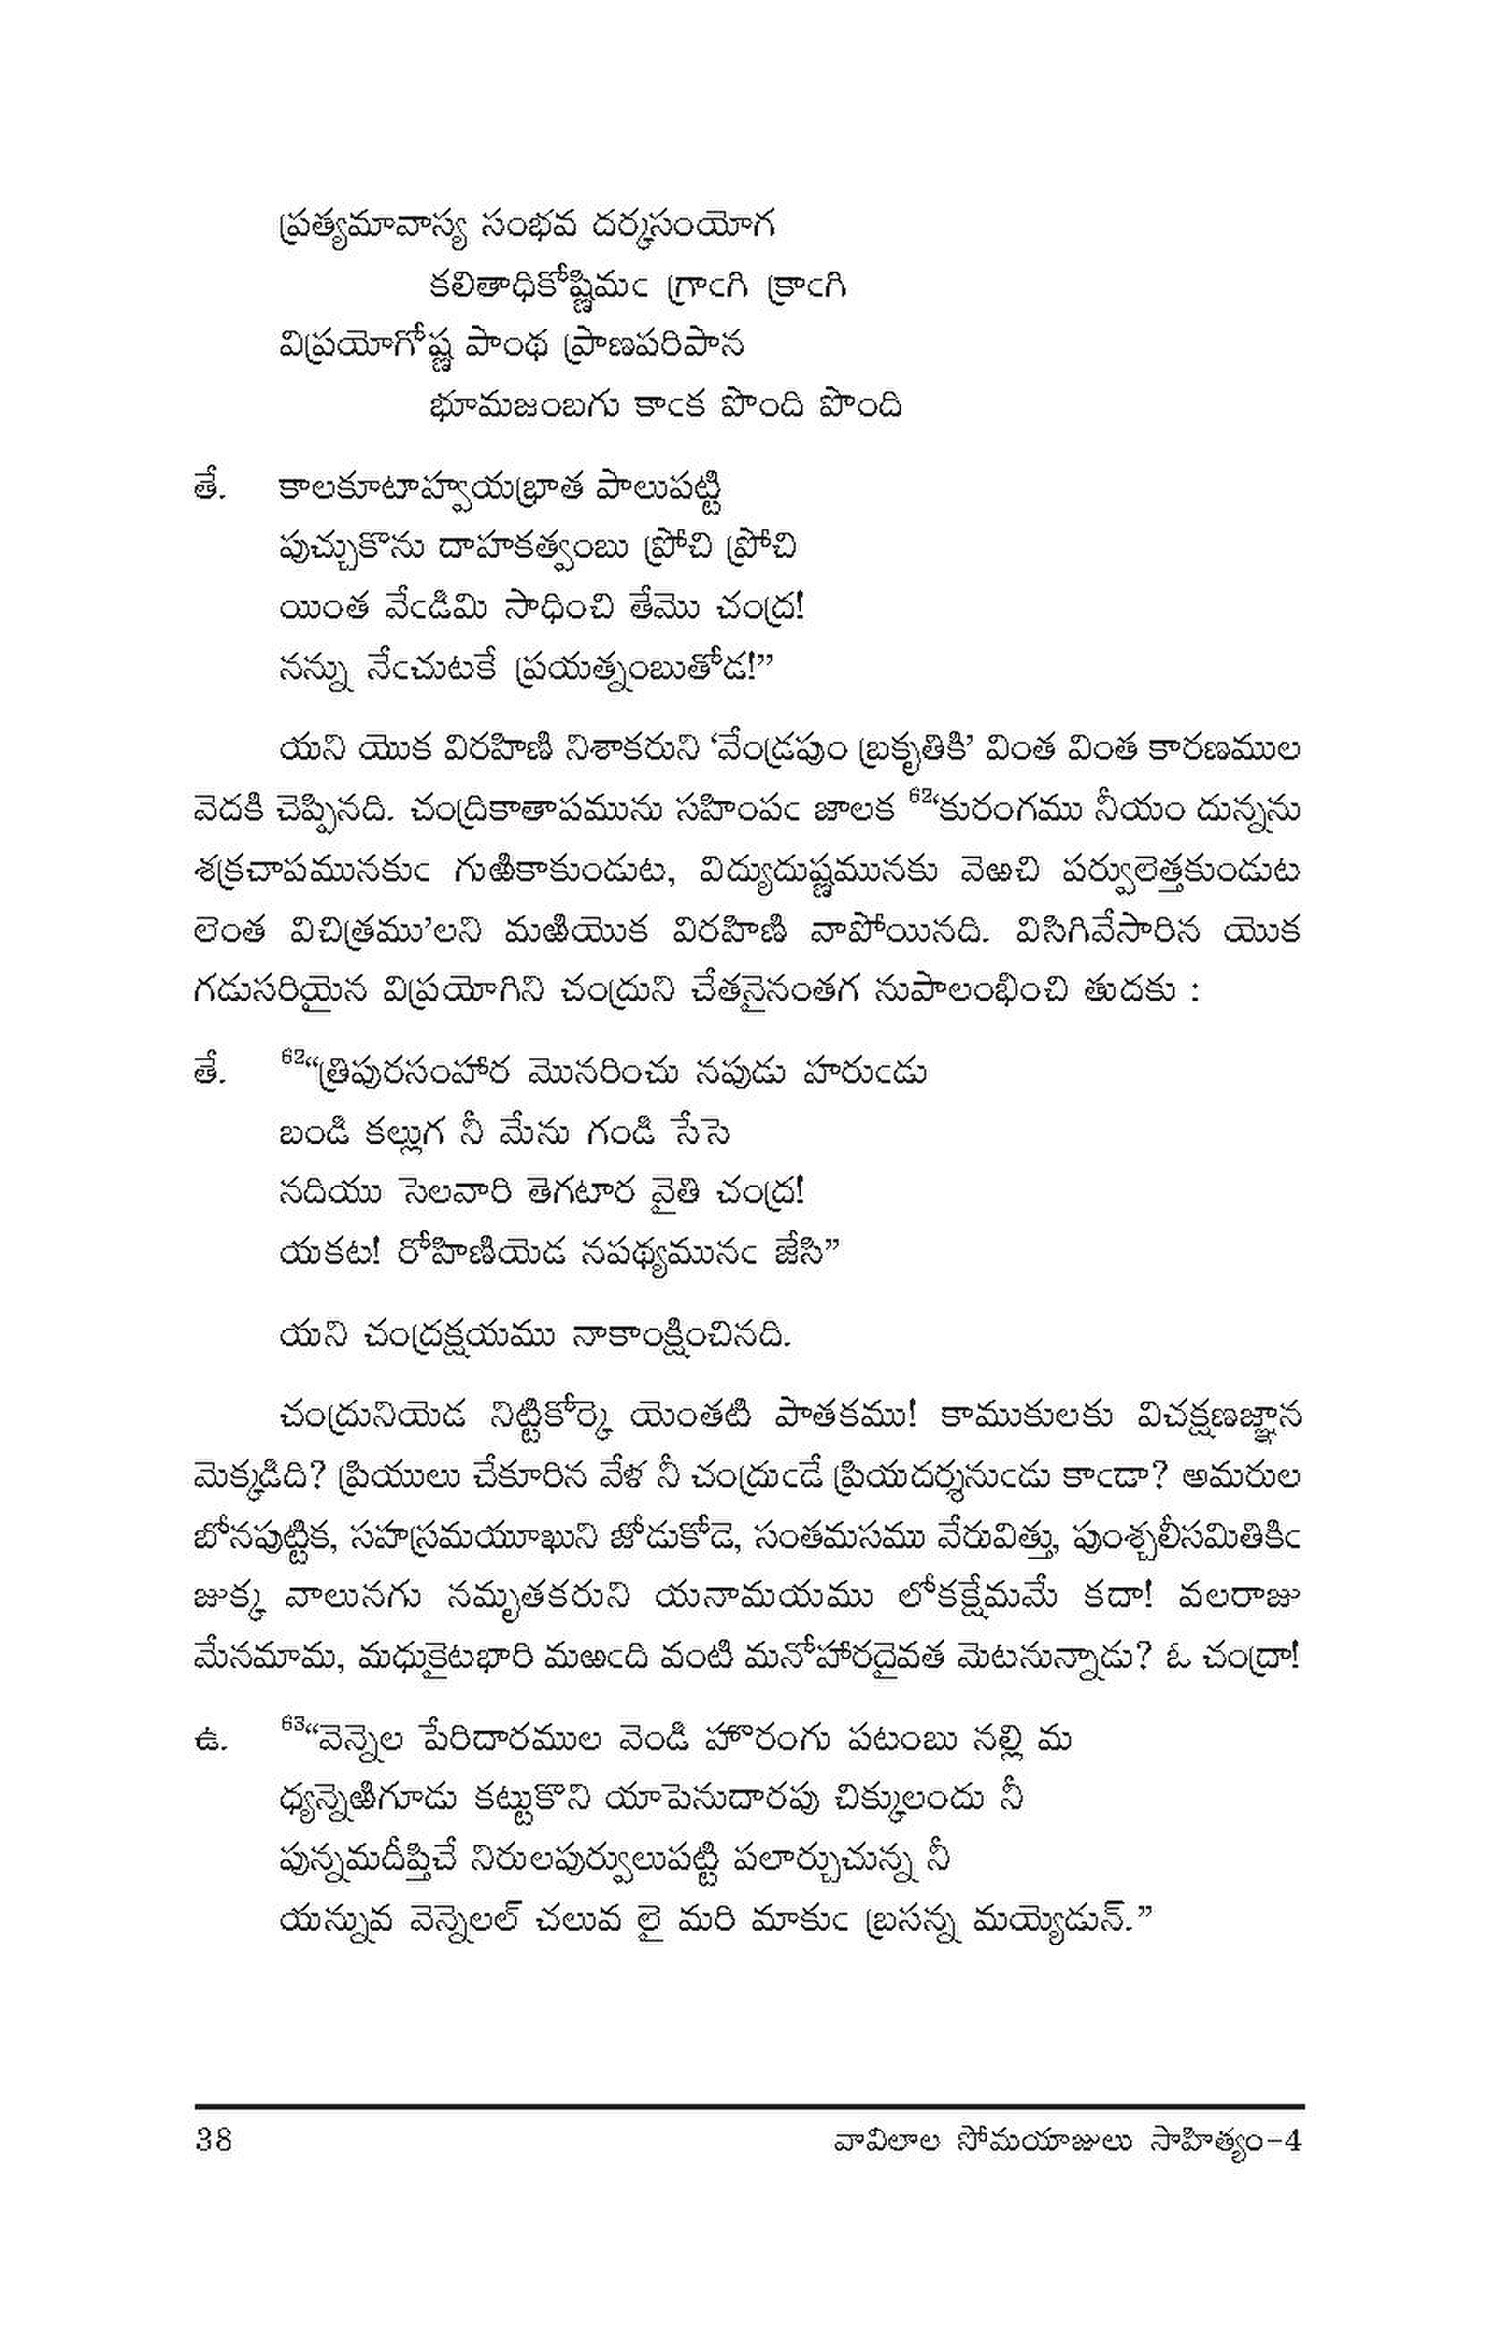ప్రత్యమావాస్య సంభవ దర్మసంయోగ
 కలితాధికోష్టిమఁ గ్రాఁగి క్రాఁగి
 విప్రయోగోష్ణ పాంథ ప్రాణపరిపాన
 భూమజంబగు కాఁక పొంది పొంది

తే. కాలకూటాహ్వయభ్రాత పాలుపట్టి
 పుచ్చుకొను దాహకత్వంబు ప్రోచి ప్రోచి
 యింత వేఁడిమి సాధించి తేమొ చంద్ర!
 నన్ను నేఁచుటకే ప్రయత్నంబుతోడ!”

యని యొక విరహిణి నిశాకరుని 'వేండ్రపుం బ్రకృతికి' వింత వింత కారణముల
వెదకి చెప్పినది. చంద్రికాతాపమును సహింపఁ జాలక కురంగము నీయందున్నను
శక్రచాపమునకుఁ గుఱికాకుండుట, విద్యుదుష్ణమునకు వెఱచి పర్వులెత్తకుండుట
లెంత విచిత్రము'లని మఱియొక విరహిణి వాపోయినది. విసిగివేసారిన యొక
గడుసరియైన విప్రయోగిని చంద్రుని చేతనైనంతగ నుపాలంభించి తుదకు :

తే. త్రిపురసంహార మొనరించు నపుడు హరుఁడు
 బండి కల్లుగ నీ మేను గండి సేసె
 నదియు సెలవారి తెగటార వైతి చంద్ర!
 యకట! రోహిణియెడ నపథ్యమునఁ జేసి”

యని చంద్రక్షయము నాకాంక్షించినది.

చంద్రునియెడ నిట్టికోర్కె యెంతటి పాతకము! కాముకులకు విచక్షణజ్ఞాన
మెక్కడిది? ప్రియులు చేకూరిన వేళ నీ చంద్రుఁడే ప్రియదర్శనుఁడు కాఁడా? అమరుల
బోనపుట్టిక, సహస్రమయూఖుని జోడుకోడె, సంతమసము వేరువిత్తు, పుంశ్చలీసమితికిఁ
జుక్క వాలునగు నమృతకరుని యనామయము లోకక్షేమమే కదా! వలరాజు
మేనమామ, మధుకైటభారి మఱఁది వంటి మనోహారదైవత మెటనున్నాడు? ఓ చంద్రా!

ఉ. ఈ వెన్నెల పేరిదారముల వెండి హొరంగు పటంబు నల్లి మ
 ధ్యన్నెఱిగూడు కట్టుకొని యాపెనుదారపు చిక్కులందు
 పున్నమదీప్తిచే నిరులపుర్వులుపట్టి పలార్చుచున్న నీ
 యన్నువ వెన్నెలల్ చలువ లై మరి మాకుఁ బ్రసన్న మయ్యెడున్.”